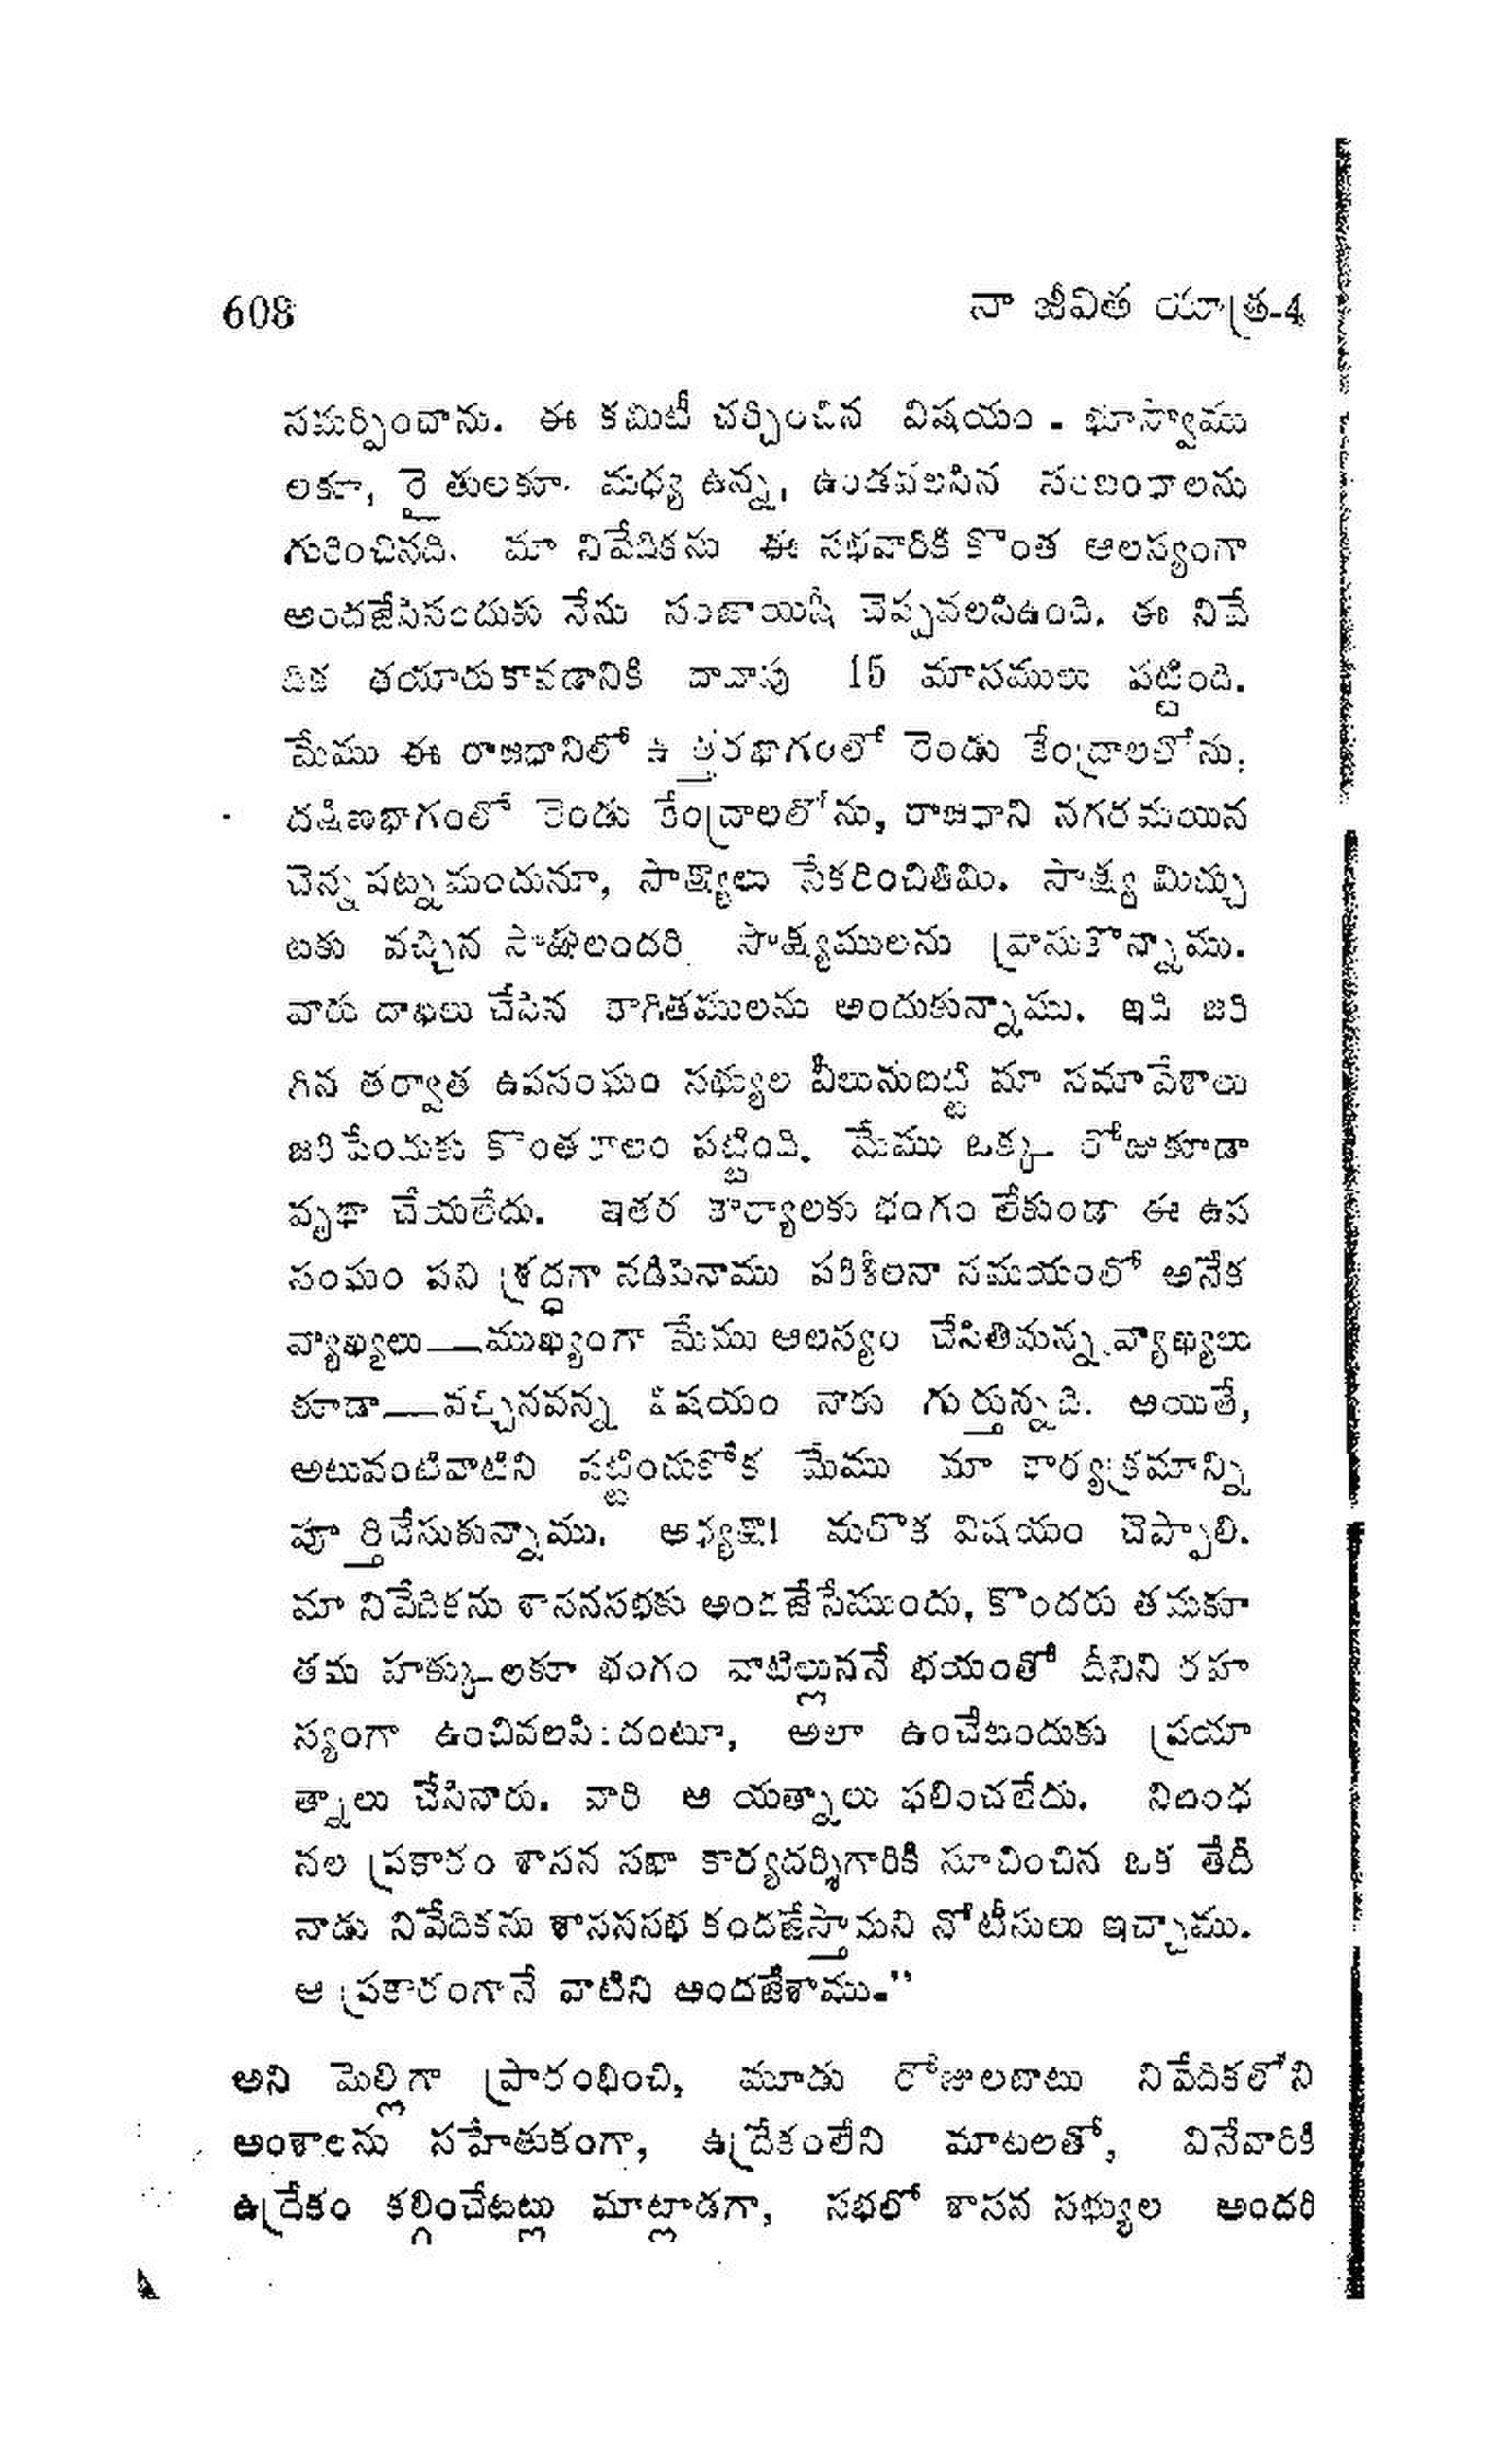సమర్పించాను. ఈ కమిటీ చర్చించిన విషయం - భూస్వాములకూ, రైతులకూ మధ్య ఉన్న, ఉండవలసిన సంబంధాలను గురించినది. మా నివేదికను ఈ సభవారికి కొంత ఆలస్యంగా అందజేసినందుకు నేను సంజాయిషీ చెప్పవలసిఉంది. ఈ నివేదిక తయారుకావడానికి దాదాపు 15 మాసములు పట్టింది. మేము ఈ రాజధానిలో ఉత్తరభాగంలో రెండు కేంద్రాల లోను, దక్షిణభాగంలో రెండు కేంద్రాలలోను, రాజధాని నగరమయిన చెన్న పట్నమందునూ, సాక్ష్యాలు సేకరించితిమి. సాక్ష్య మిచ్చుటకు వచ్చిన సాక్షులందరి సాక్ష్యములను వ్రాసు కొన్నాము. వారు దాఖలు చేసిన కాగితములను అందుకున్నాము. ఇది జరిగిన తర్వాత ఉపసంఘం సభ్యుల వీలునుబట్టి మా సమావేశాలు జరిపేందుకు కొంతకాలం పట్టింది. మేము ఒక్క రోజుకూడా వృథా చేయలేదు. ఇతర కార్యాలకు భంగం లేకుండా ఈ ఉపసంఘం పని శ్రద్ధగా నడిపినాము పరిశీలనా సమయంలో అనేక వ్యాఖ్యలు - ముఖ్యంగా మేము ఆలస్యం చేసితిమన్న వ్యాఖ్యలు కూడా - వచ్చినవన్న విషయం నాకు గుర్తున్నది. అయితే, అటువంటివాటిని పట్టించుకోక మేము మా కార్యక్రమాన్ని పూర్తిచేసుకున్నాము. అధ్యక్షా! మరొక విషయం చెప్పాలి. మా నివేదికను శాసనసభకు అందజేసేముందు, కొందరు తమకూ తమ హక్కులకూ భంగం వాటిల్లుననే భయంతో దీనిని రహస్యంగా ఉంచివలసినదంటూ, అలా ఉంచేటందుకు ప్రయత్నాలు చేసినారు. వారి ఆ యత్నాలు ఫలించలేదు. నిబంధనల ప్రకారం శాసన సభా కార్యదర్శిగారికి సూచించిన ఒక తేదీనాడు నివేదికను శాసనసభ కందజేస్తామని నోటీసులు ఇచ్చాము. ఆ ప్రకారంగానే వాటిని అందజేశాము"

అని మెల్లిగా ప్రారంభించి, మూడు రోజులబాటు నివేదికలోని అంశాలను సహేతుకంగా, ఉద్రేకంలేని మాటలతో, వినేవారికి ఉద్రేకం కల్గించేటట్లు మాట్లాడగా, సభలో శాసన సభ్యుల అందరి